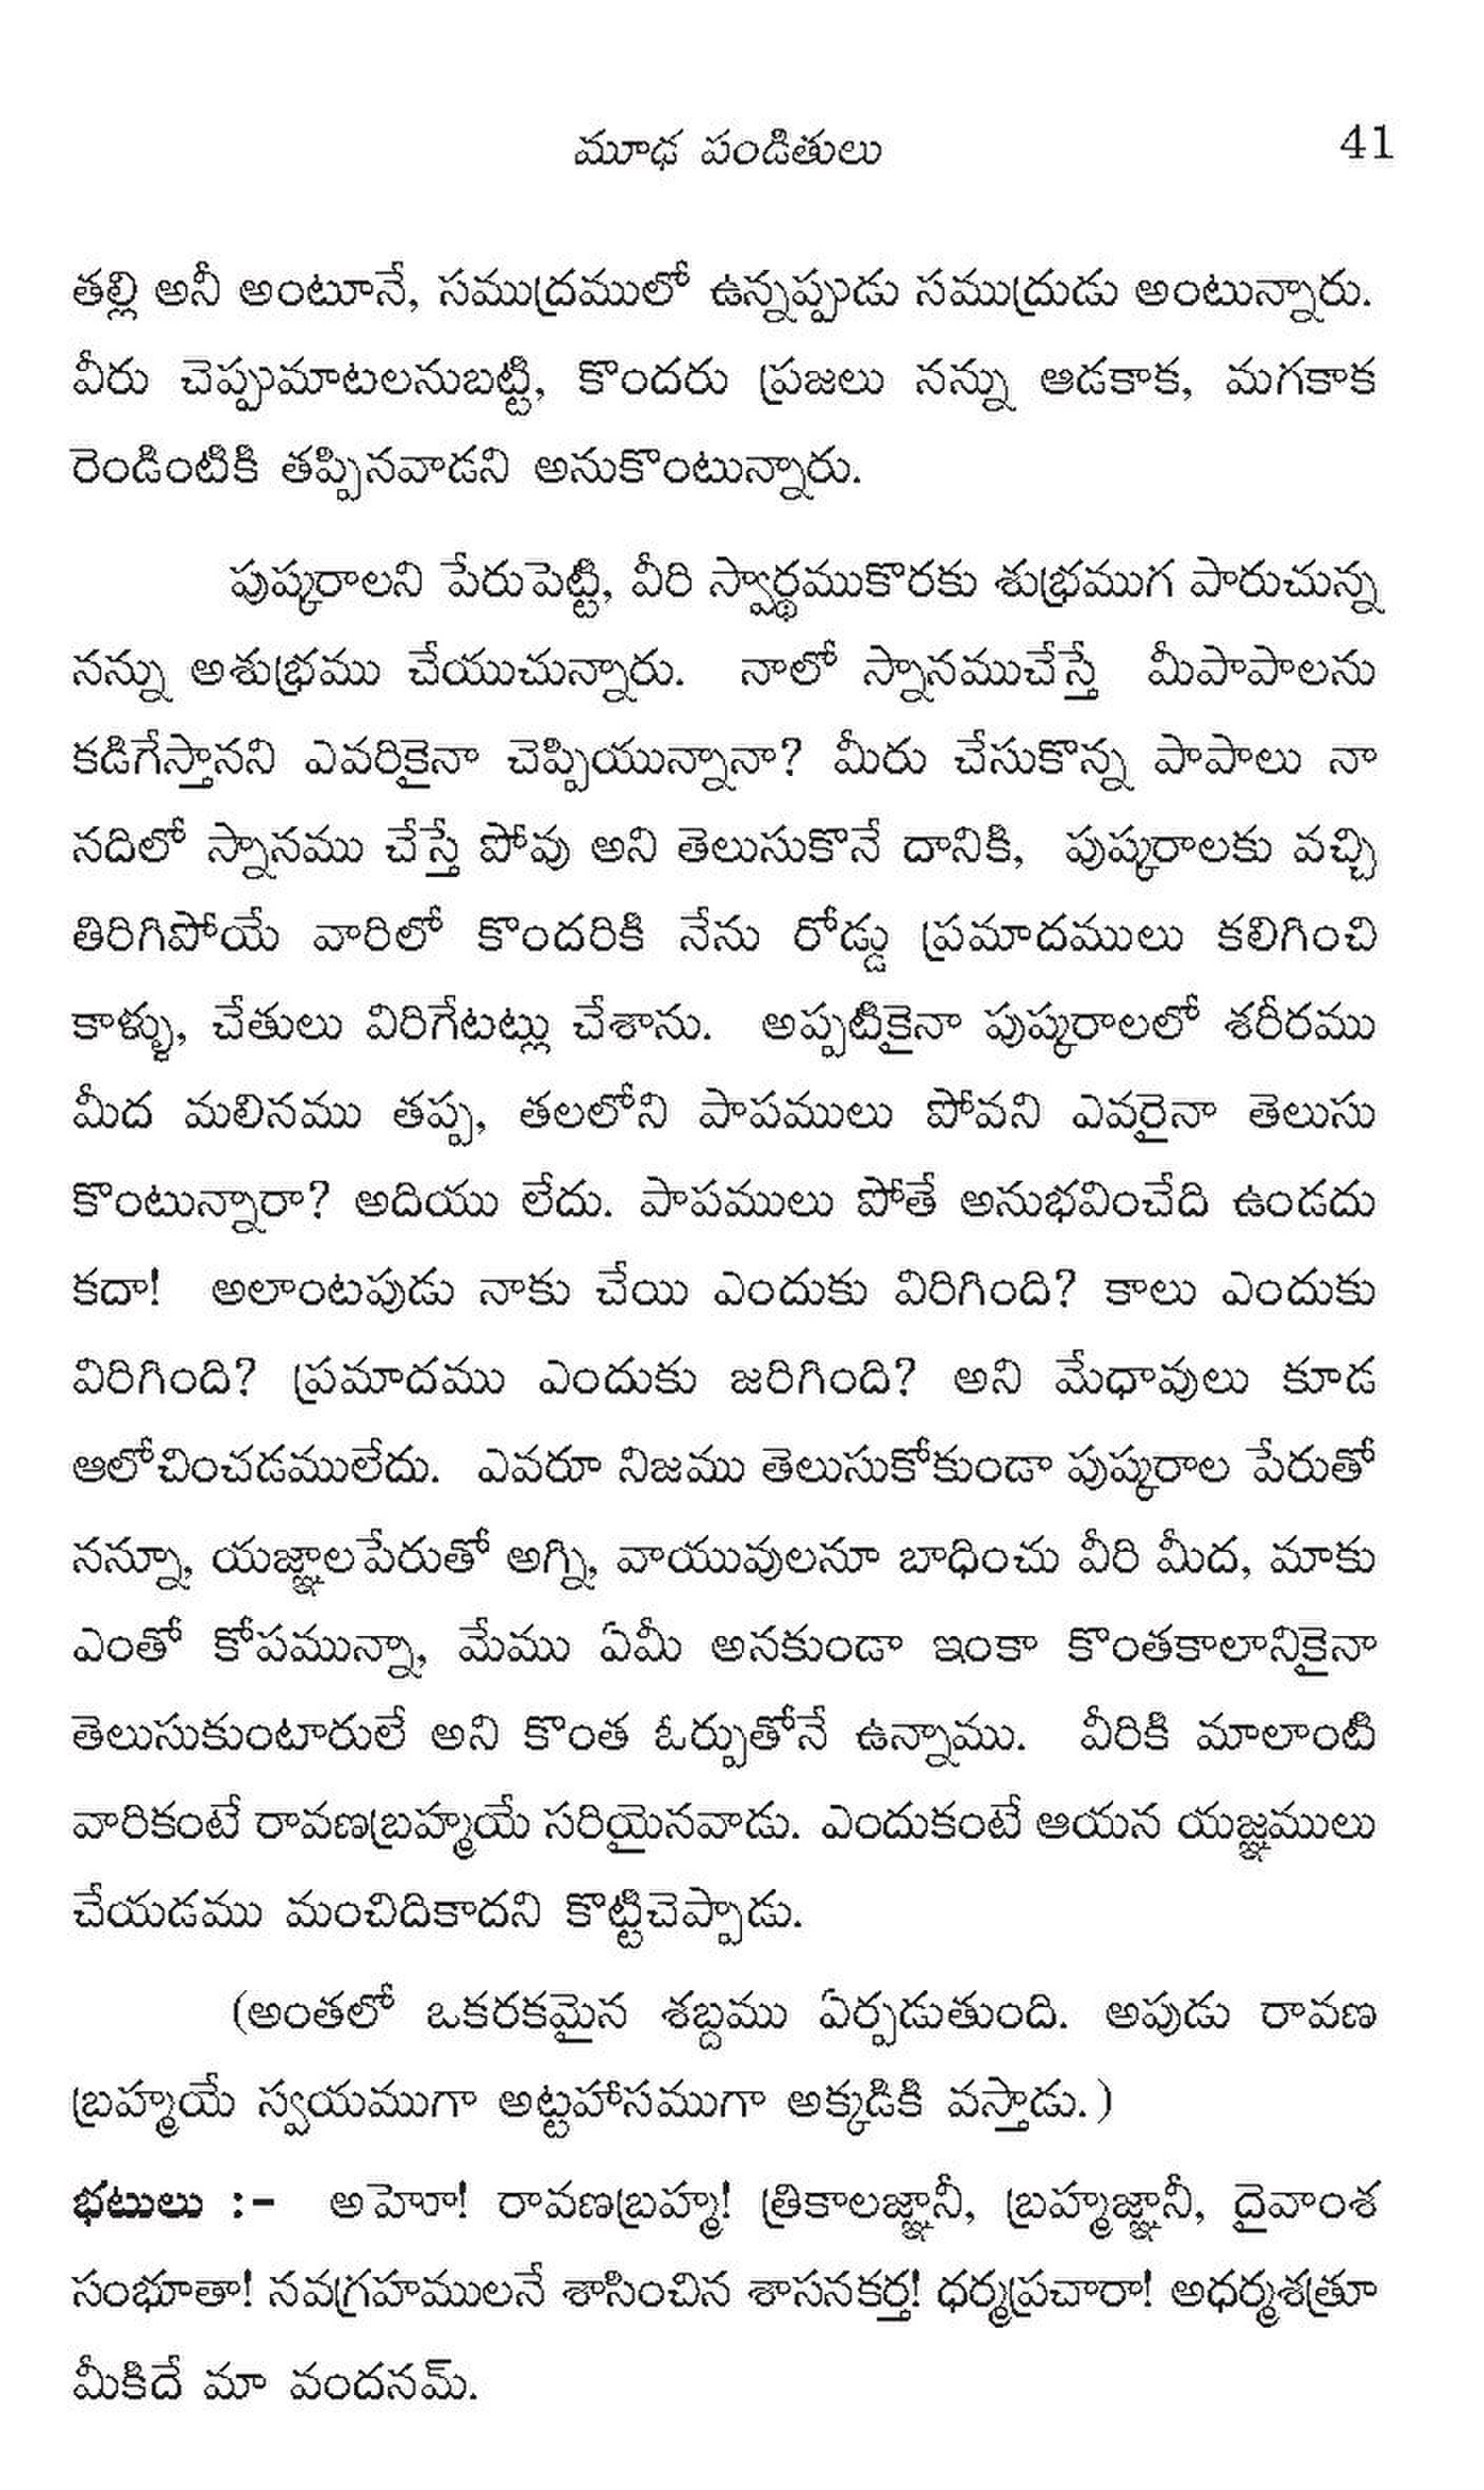తల్లి అనీ అంటూనే, సముద్రములో ఉన్నప్పుడు సముద్రుడు అంటున్నారు. వీరు చెప్పుమాటలనుబట్టి, కొందరు ప్రజలు నన్ను ఆడకాక, మగకాక రెండింటికి తప్పినవాడని అనుకొంటున్నారు.
	
పుష్కరాలని పేరుపెట్టి, వీరి స్వార్థముకొరకు శుభ్రముగ పారుచున్న నన్ను అశుభ్రము చేయుచున్నారు. నాలో స్నానముచేస్తే మీపాపాలను కడిగేస్తానని ఎవరికైనా చెప్పియున్నానా? మీరు చేసుకొన్న పాపాలు నా నదిలో స్నానము చేస్తే పోవు అని తెలుసుకొనే దానికి, పుష్కరాలకు వచ్చి తిరిగిపోయే వారిలో కొందరికి నేను రోడ్డు ప్రమాదములు కలిగించి కాళ్ళు, చేతులు విరిగేటట్లు చేశాను. అప్పటికైనా పుష్కరాలలో శరీరము మీద మలినము తప్ప, తలలోని పాపములు పోవని ఎవరైనా తెలుసు కొంటున్నారా? అదియు లేదు. పాపములు పోతే అనుభవించేది ఉండదు కదా! అలాంటపుడు నాకు చేయి ఎందుకు విరిగింది? కాలు ఎందుకు విరిగింది? ప్రమాదము ఎందుకు జరిగింది? అని మేధావులు కూడ ఆలోచించడములేదు. ఎవరూ నిజము తెలుసుకోకుండా పుష్కరాల పేరుతో నన్నూ, యజ్ఞాలపేరుతో అగ్ని, వాయువులనూ బాధించు వీరి మీద, మాకు ఎంతో కోపమున్నా, మేము ఏమీ అనకుండా ఇంకా కొంతకాలానికైనా తెలుసుకుంటారులే అని కొంత ఓర్పుతోనే ఉన్నాము. వీరికి మాలాంటి వారికంటే రావణబ్రహ్మయే సరియైనవాడు. ఎందుకంటే ఆయన యజ్ఞములు చేయడము మంచిదికాదని కొట్టిచెప్పాడు.
	
(అంతలో ఒకరకమైన శబ్దము ఏర్పడుతుంది. అపుడు రావణ బ్రహ్మయే స్వయముగా అట్టహాసముగా అక్కడికి వస్తాడు.)

భటులు :- అహో! రావణబ్రహ్మ! త్రికాలజ్ఞానీ, బ్రహ్మజ్ఞానీ, దైవాంశ సంభూతా! నవగ్రహములనే శాసించిన శాసనకర్త! ధర్మప్రచారా! అధర్మశత్రూ మీకిదే మా వందనమ్‌.